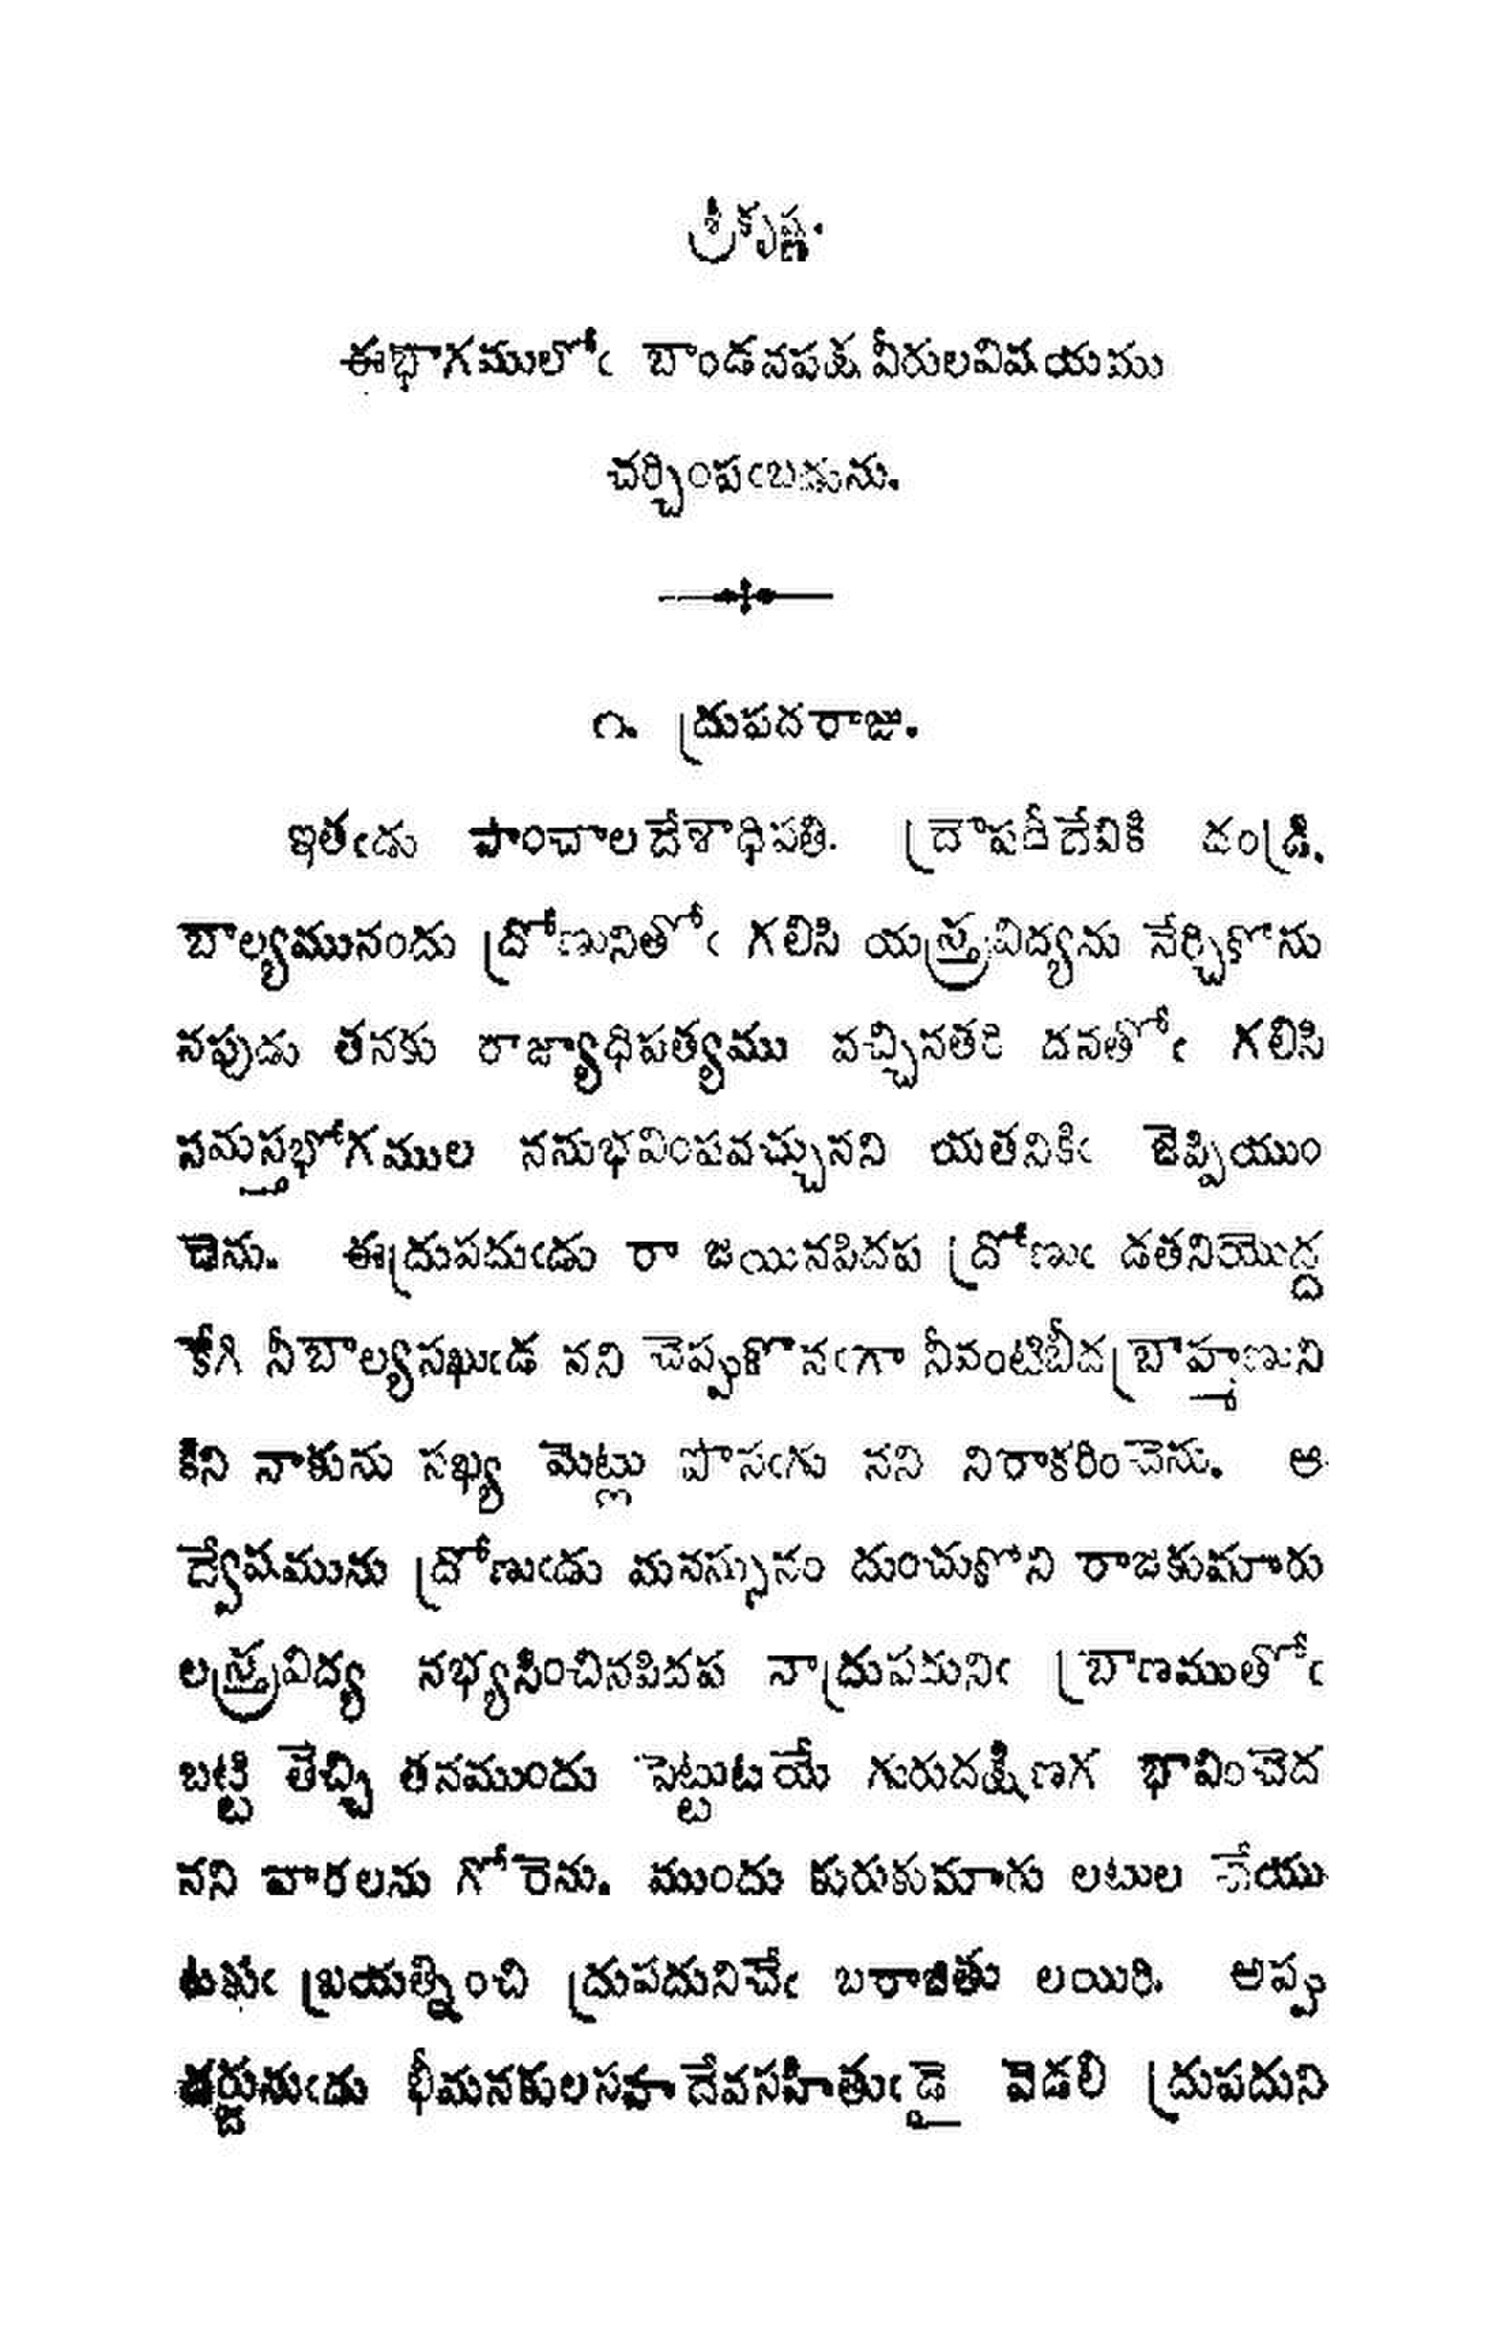ఇతఁడు పాంచాలదేశాధిపతి. ద్రౌపదీదేవికి దండ్రి. బాల్యమునందు ద్రోణునితోఁ గలిసి యస్త్రవిద్యను నేర్చికొనునపుడు తనకు రాజ్యాధిపత్యము వచ్చినతరి దనతోఁ గలిసి సమస్తభోగముల ననుభవింప వచ్చునని యతనికిఁ జెప్పియుండెను. ఈద్రుపదుఁడు రా జయినపిదప ద్రోణుఁ డతనియెద్ద కేగి నీబాల్యసఖుఁడ నని చెప్పుకొనఁగా నీవంటిబీదబ్రాహణునికిని నాకును సఖ్య మెట్లు పొసఁగు నని నిరాకరించెను. ఆ ద్వేషమును ద్రోణుఁడు మనస్సునం దుంచుకొని రాజకుమారు లస్త్రవిద్య నభ్యసించినపిదప నాద్రుపదునిఁ బ్రాణముతోఁ బట్టి తెచ్చి తనముందు పెట్టుటయే గురుదక్షిణగ భావించెద నని వారలను గోరెను. ముందు కురుకుమారు లటుల చేయుటకుఁ బ్రయత్నించి ద్రుపదునిచేఁ బరాజితు లయిరి. అప్పు డర్జునుఁడు భీమనకులసహదేవసహితుఁడై వెడలి ద్రుపదుని